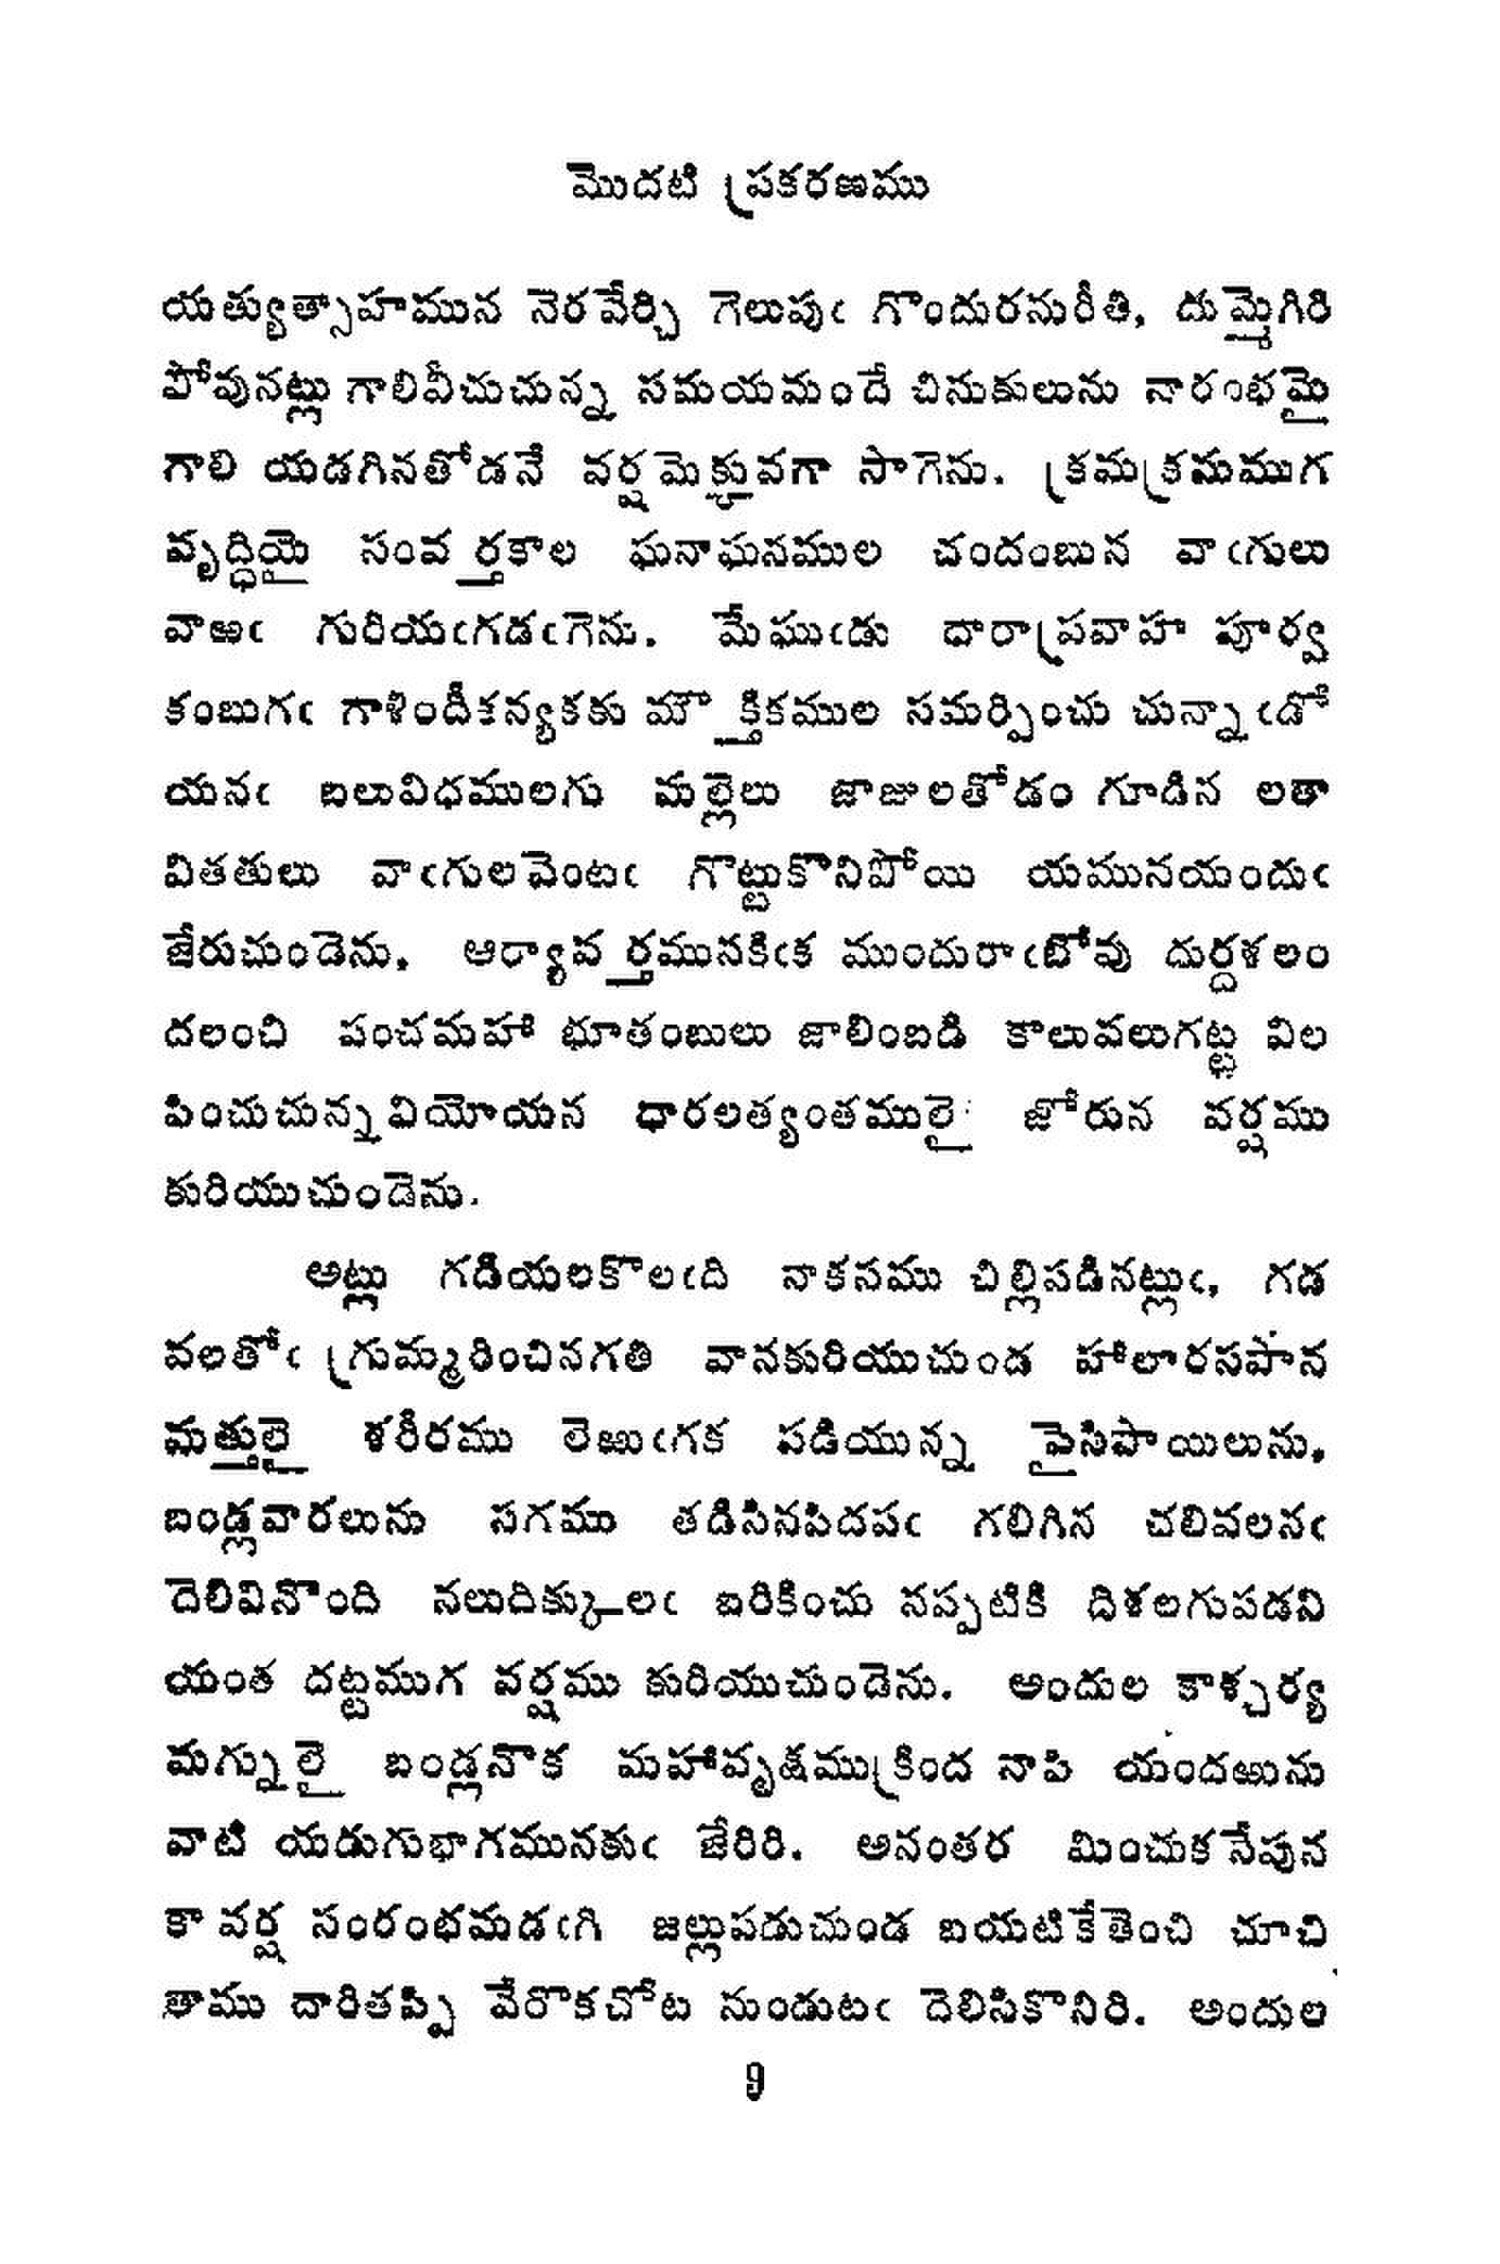యత్యుత్సాహమున నెరవేర్చి గెలుపుఁ గొందురనురీతి, దుమ్మెగిరిపోవునట్లు గాలివీచుచున్న సమయమందే చినుకులును నారంభమై గాలి యడగినతోడనే వర్షమెక్కువగా సాగెను. క్రమక్రమముగ వృద్దియై సంవర్తకాల ఘనాఘనముల చందంబున వాఁగులు వాఱఁ గురియఁగడఁగెను. మేఘుఁడు దారాప్రవాహ పూర్వకంబుగఁ గాళిందీకన్యకకు మౌక్తికముల సమర్పించు చున్నాడో యనఁ బలువిధములగు మల్లెలు జాజులతోడం గూడిన లతా వితతులు వాఁగులవెంటఁ గొట్టుకొనిపోయి యమునయందుఁ జేరుచుండెను, ఆర్యావర్తమునకిఁక ముందురాఁబోవు దుర్దశలం దలంచి పంచమహా భూతంబులు జాలింబడి కాలువలుగట్ట విలపించుచున్నవియోయన ధారలత్యంతములై జోరున వర్షము కురియుచుండెను.

అట్లు గడియలకొలఁది నాకసము చిల్లిపడినట్లుఁ, గడవలతోఁ గ్రుమ్మరించినగతి వానకురియుచుండ హాలారసపానమత్తులై శరీరము లెఱుఁగక పడియున్న పైసిపాయిలును, బండ్లవారలును సగము తడిసినపిదపఁ గలిగిన చలివలనఁ దెలివినొంది నలుదిక్కులఁ బరికించు నప్పటికి దిశలగుపడని యంత దట్టముగ వర్షము కురియుచుండెను. అందుల కాశ్చర్యమగ్ను లై బండ్లనొక మహావృక్షముక్రింద నాపి యందఱును వాటి యడుగుభాగమునకుఁ జేరిరి. అనంతర మించుకసేపున కావర్ష సంరంభమడఁగి జల్లుపడుచుండ బయటికేతెంచి చూచి తాము దారితప్పి వేరొకచోట నుండుటఁ దెలిసికొనిరి. అందుల